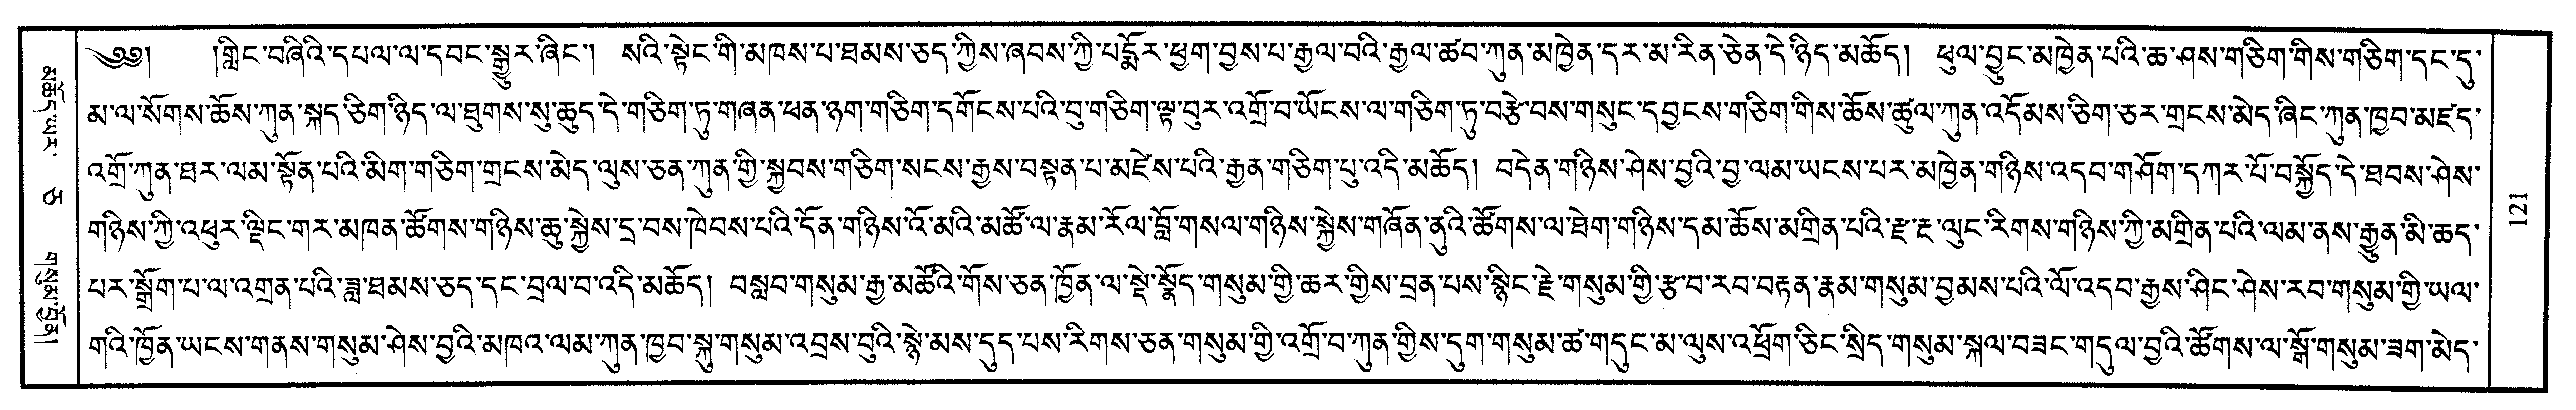༄༅། །གླིང་བཞིའི་དཔལ་ལ་དབང་སྒྱུར་ཞིང་། སའི་སྟེང་གི་མཁས་པ་ཐམས་ཅད་ཀྱིས་ཞབས་ཀྱི་པདམོར་ཕྱག་བྱས་པ་རྒྱལ་བའི་རྒྱལ་ཚབ་ཀུན་མཁྱེན་དར་མ་རིན་ཅེན་དེ་ཉིད་མཆོད། ཕུལ་བྱུང་མཁྱེན་པའི་ཆ་ཤས་གཅིག་གིས་གཅིག་དང་དུ་
མ་ལ་སོགས་ཆོས་ཀུན་སྐད་ཅིག་ཉིད་ལ་ཐུགས་སུ་ཆུད་དེ་གཅིག་ཏུ་གཞན་ཕན་ཉག་གཅིག་དགོངས་པའི་བུ་གཅིག་ལྟ་བུར་འགྲོ་བ་ཡོངས་ལ་གཅིག་ཏུ་བརྩེ་བས་གསུང་དབྱངས་གཅིག་གིས་ཆོས་ཚུལ་ཀུན་འདོམས་ཅིག་ཅར་གྲངས་མེད་ཞིང་ཀུན་ཁྱབ་མཛད་
འགྲོ་ཀུན་ཐར་ལམ་སྟོན་པའི་མིག་གཅིག་གྲངས་མེད་ལུས་ཅན་ཀུན་གྱི་སྐྱབས་གཅིག་སངས་རྒྱས་བསྟན་པ་མཛེས་པའི་རྒྱན་གཅིག་པུ་འདི་མཆོད། བདེན་གཉིས་ཤེས་བྱའི་བྱ་ལམ་ཡངས་པར་མཁྱེན་གཉིས་འདབ་གཤོག་དཀར་པོ་བསྐྱོད་དེ་ཐབས་ཤེས་
གཉིས་ཀྱི་འཕུར་ལྡིང་གར་མཁན་ཚོགས་གཉིས་ཆུ་སྐྱེས་དྲ་བས་ཁེབས་པའི་དོན་གཉིས་འོ་མའི་མཚོ་ལ་རྣམ་རོལ་བློ་གསལ་གཉིས་སྐྱེས་གཞོན་ནུའི་ཚོགས་ལ་ཐེག་གཉིས་དམ་ཆོས་མགྲིན་པའི་རྫ་རྔ་ལུང་རིགས་གཉིས་ཀྱི་མགྲིན་པའི་ལམ་ནས་རྒྱུན་མི་ཆད་
པར་སྒྲོག་པ་ལ་འགྲན་པའི་ཟླ་ཐམས་ཅད་དང་བྲལ་བ་འདི་མཆོད། བསླབ་གསུམ་རྒྱ་མཚོའི་གོས་ཅན་ཁྱོན་ལ་སྡེ་སྣོད་གསུམ་གྱི་ཆར་གྱིས་བྲན་པས་སྙིང་རྗེ་གསུམ་གྱི་རྩ་བ་རབ་བརྟན་རྣམ་གསུམ་བྱམས་པའི་ལོ་འདབ་རྒྱས་ཤིང་ཤེས་རབ་གསུམ་གྱི་ཡལ་
གའི་ཁྱོན་ཡངས་གནས་གསུམ་ཤེས་བྱའི་མཁའ་ལམ་ཀུན་ཁྱབ་སྐུ་གསུམ་འབྲས་བུའི་སྙེ་མས་དུད་པས་རིགས་ཅན་གསུམ་གྱི་འགྲོ་བ་ཀུན་གྱིས་དུག་གསུམ་ཚ་གདུང་མ་ལུས་འཕྲོག་ཅིང་སྲིད་གསུམ་སྐལ་བཟང་གདུལ་བྱའི་ཚོགས་ལ་སྒོ་གསུམ་ཟག་མེད་